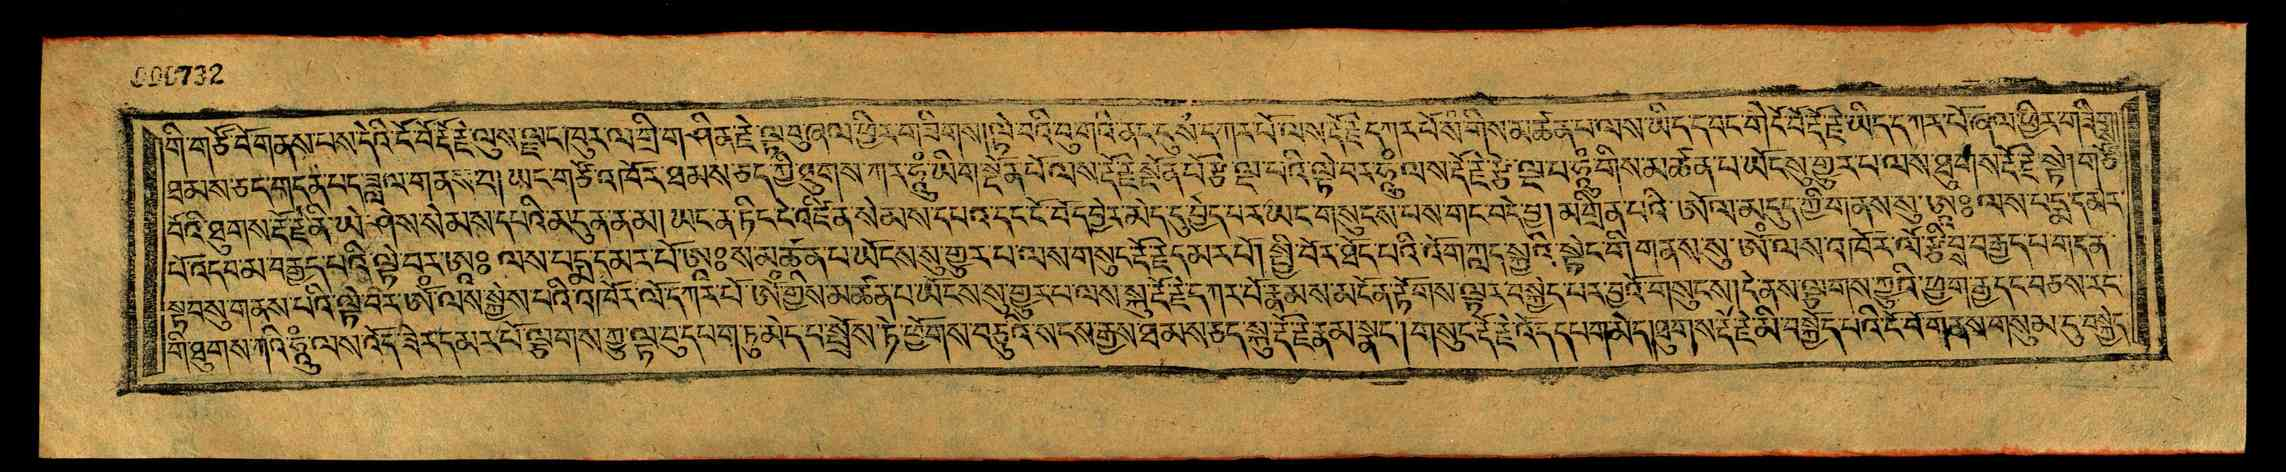གི་གཙོ་བོ་གནས་པས་དེའི་ངོ་བོ་རྡོ་རྗེ་ལུས་ལྗང་ཁུ་རལ་གྲི་གཤིན་རྗེ་ལྟ་བུ་ཞལ་ཕྱིར་གཟིགས། ལྟེ་བའི་བུ་གའི་ནང་དུ་སཾ་དཀར་པོ་ལས་རྡོ་རྗེ་དཀར་པོ་སཾ་གིས་མཚན་པ་ལས་ཡིད་དབང་གི་ངོ་བོ་རྡོ་རྗེ་ཡིད་དཀར་པོ་ཞལ་ཕྱིར་གཟིགས་
ཐམས་ཅད་གདན་པད་ཟླ་ལ་གནས་པ། ཡང་གཙོ་འཁོར་ཐམས་ཅད་ཀྱི་ཐུགས་ཀར་ཧཱུཾ་ཡིག་སྔོན་པོ་ལས་རྡོ་རྗེ་སྔོན་པོ་རྩེ་ལྔ་པའི་ལྟེ་བར་ཧཱུཾ་ལས་རྡོ་རྗེ་རྩེ་ལྔ་པ་ཧཱུཾ་གིས་མཚན་པ་ཡོངས་སུ་གྱུར་པ་ལས་ཐུགས་རྡོ་རྗེ་སྟེ། གཙོ་
བོའི་ཐུགས་རྡོ་རྗེ་ནི་ཡེ་ཤེས་སེམས་དཔའི་མདུན་ནམ། ཡང་ན་ཏིང་ངེ་འཛིན་སེམས་དཔའ་དང་ངོ་བོ་དབྱེར་མེད་དུ་བྱེད་པར་ཡང་གསུངས་པས་གང་བདེ་བྱ། མགྲིན་པའི་ཨོལ་མདུད་ཀྱི་གནས་སུ་ཨཱཿ ལས་པདམ་དམར་
པོ་འདབ་མ་བརྒྱད་པའི་ལྟེ་བར་ཨཱཿ ལས་པདམ་དམར་པོ་ཨཱཿ ས་མཚན་པ་ཡོངས་སུ་གྱུར་པ་ལས་གསུང་རྡོ་རྗེ་དམར་པོ། སྤྱི་བོར་ཐོད་པའི་འོག་ཀླད་སྐྱའི་སྟེང་གི་གནས་སུ་ཨོཾ་ལས་འཁོར་ལོ་རྩིབས་བརྒྱད་པ་གདན་
སྟབས་སུ་གནས་པའི་ལྟེ་བར་ཨོཾ་ལས་སྐྱེས་པའི་འཁོར་ལོ་དཀར་པོ་ཨོཾ་གྱིས་མཚན་པ་ཡོངས་སུ་གྱུར་པ་ལས་སྐུ་རྡོ་རྗེ་དཀར་པོ་རྣམས་མངོན་རྟོགས་ལྟར་བསྐྱེད་པར་བྱའོ་གསུངས། དེ་ནས་ལྕགས་ཀྱུའི་ཕྱག་རྒྱ་དང་བཅས་རང་
གི་ཐུགས་ཀའི་ཧཱུཾ་ལས་འོད་ཟེར་དམར་པོ་ལྕགས་ཀྱུ་ལྟ་བུ་དཔག་ཏུ་མེད་པ་སྤྲོས་ཏེ་ཕྱོགས་བཅུའི་སངས་རྒྱས་ཐམས་ཅད་སྐུ་རྡོ་རྗེ་རྣམ་སྣང་། གསུང་རྡོ་རྗེ་འོད་དཔག་མེད། ཐུགས་རྡོ་རྗེ་མི་བསྐྱོད་པའི་ངོ་བོ་གནས་གསུམ་དུ་བསྐྱེད་